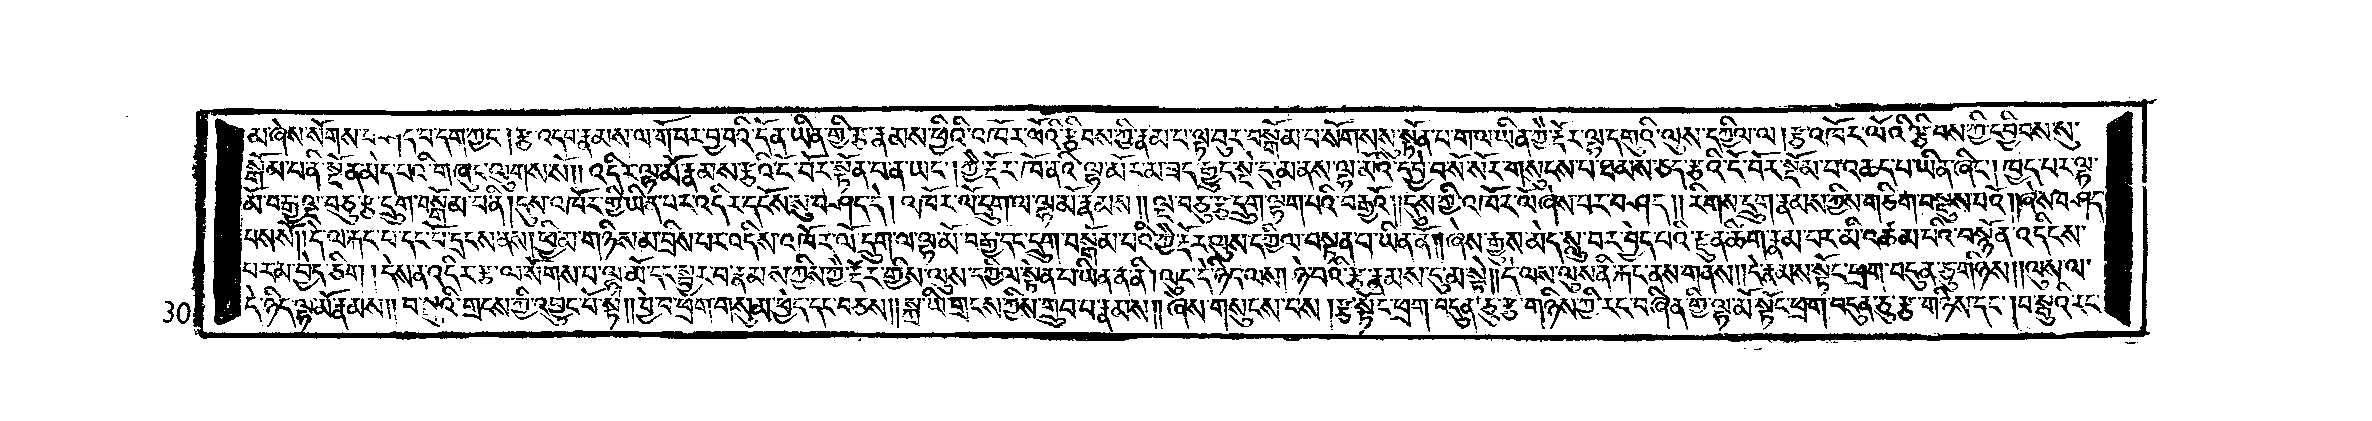མ་ཞེས་སོགས་བཤད་པ་དག་ཀྱང་། རྩ་འདབ་རྣམས་ལ་གོ་བར་བྱ་བའི་དོན་ཡིན་གྱི་རྩ་རྣམས་ཕྱིའི་འཁོར་ལོའི་རྩིབས་ཀྱི་རྣམ་པ་ལྟ་བུར་བསྒོམ་པ་སོགས་སུ་སྟོན་པ་ག་ལ་ཡིན་ཀྱཻ་རྡོར་ལྷ་དགུའི་ལུས་དཀྱིལ་ལ། རྩ་འཁོར་ལོའི་རྩིབས་ཀྱི་དབྱིབས་སུ་
སྒོམ་པ་ནི་སྔོན་མེད་པའི་གཞུང་ལུགས་སོ། །འདིར་ལྷ་མོ་རྣམས་རྩའི་ངོ་བོར་སྟོན་པ་ན་ཡང་། ཀྱཻ་རྡོར་ཁོ་ནའི་ལྷ་མོར་མ་ཟད་རྒྱུད་སྡེ་དུ་མ་ནས་ལྷ་མོའི་དབྱེ་བ་སོ་སོར་གསུངས་པ་ཐམས་ཅད་རྩའི་ངོ་བོར་སྡོམ་པ་འཆད་པ་ཡིན་ཞིང་། ཁྱད་པར་ལྷ་
མོ་བརྒྱ་ལྔ་བཅུ་རྩ་དྲུག་བསྒོམ་པ་ནི། དུས་འཁོར་གྱི་ཡིན་པར་འདིར་དངོས་སུ་བཤད་དེ། འཁོར་ལོ་དྲུག་ལ་ལྷ་མོ་རྣམས། །ལྔ་བཅུ་རྩ་དྲུག་ལྷག་པའི་བརྒྱའོ། །དུས་ཀྱི་འཁོར་ལོ་ཞེས་པར་བཤད། །རིགས་དྲུག་རྣམས་ཀྱིས་གཅིག་བསྡུས་པའོ། །ཞེས་བཤད་
པས་སོ། །དེ་ལ་རྐང་པ་དང་པོ་དྲངས་ནས། ཕྱི་མ་གཉིས་མ་བྲིས་པར་འདིས་འཁོར་ལོ་དྲུག་ལ་ལྷ་མོ་བརྒྱ་དང་དྲུག་བསྒོམ་པའི་ཀྱཻ་རྡོར་ལུས་དཀྱིལ་བསྟན་པ་ཡིན་ནོ། །ཞེས་རྒྱུས་མེད་སླུ་བར་བྱེད་པའི་རྫུན་ཚིག་རྣམ་པར་མི་འཚམ་པའི་བསྙོན་འདིངས་
པར་མ་བྱེད་ཅིག །དེས་ན་འདིར་རྩ་ལ་སོགས་པ་ལྷ་མོ་དང་སྦྱར་བ་རྣམས་ཀྱིས་ཀྱཻ་རྡོར་གྱིས་ལུས་དཀྱིལ་སྟེན་པ་ཡིན་ན་ནི། ལུང་དེ་ཉིད་ལས། ཉེ་བའི་རྩ་རྣམས་དུ་མ་སྟེ། །དེ་ལས་ལུས་ནི་རྐང་ནས་གནས། །དེ་རྣམས་སྟོང་ཕྲག་བདུན་ཅུ་གཉིས། །ལུས་ལ་
དེ་ཉིད་ལྷ་མོ་རྣམས། །བ་སྤུའི་གྲངས་ཀྱི་འབྱུང་པོ་སྟེ། །བྱེ་བ་ཕྲག་གསུམ་ཕྱེད་དང་བཅས། །སྐྲ་ཡི་གྲངས་ཀྱིས་གྲུབ་པ་རྣམས། །ཞེས་གསུངས་པས། རྩ་སྟོང་ཕྲག་བདུན་ཅུ་རྩ་གཉིས་ཀྱི་རང་བཞིན་གྱི་ལྷ་མོ་སྟོང་ཕྲག་བདུན་ཅུ་རྩ་གཉིས་དང་། བ་སྤུའི་རང་